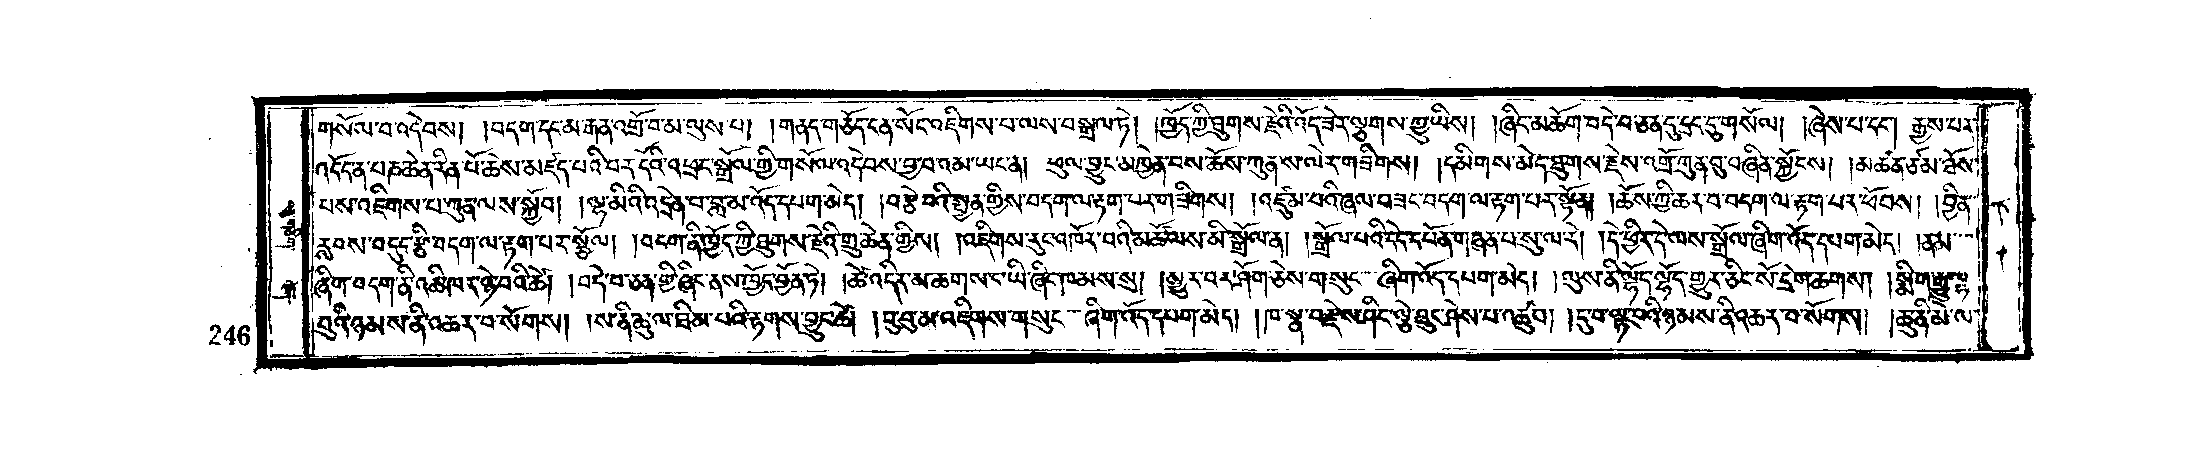གསོལ་བ་འདེབས། །བདག་དང་མ་རྒན་འགྲོ་བ་མ་ལུས་པ། །གནད་གཅོད་ངན་སོང་འཇིགས་པ་ལས་བསྒྲལ་ཏེ། །ཁྱོད་ཀྱི་ཐུགས་རྗེའི་འོད་ཟེར་ལྕགས་ཀྱུ་ཡིས། །ཞིང་མཆོག་བདེ་བ་ཅན་དུ་དྲང་དུ་གསོལ། །ཞེས་པ་དང་། རྒྱས་པར་
འདོད་ན་པཎ་ཆེན་རིན་པོ་ཆེས་མཛད་པའི་བར་དོའི་འཕྲང་སྒྲོལ་གྱི་གསོལ་འདེབས་བྱ་བ་འམ་ཡང་ན། ཕུལ་བྱུང་མཁྱེན་པས་ཆོས་ཀུན་ས་ལེར་གཟིགས། །དམིགས་མེད་ཐུགས་རྗེས་འགྲོ་ཀུན་བུ་བཞིན་སྐྱོངས། །མཚན་ཙམ་ཐོས་
པས་འཇིགས་པ་ཀུན་ལས་སྐྱོབ། །ལྷ་མིའི་འདྲེན་པ་བླ་མ་འོད་དཔག་མེད། །བརྩེ་བའི་སྤྱན་གྱིས་བདག་ལ་རྟག་པར་གཟིགས། །འཛུམ་པའི་ཞལ་བཟང་བདག་ལ་རྟག་པར་སྟོན། །ཆོས་ཀྱི་ཆར་བ་བདག་ལ་རྟག་པར་ཕོབས། །བྱིན་
རླབས་བདུད་རྩི་བདག་ལ་རྟག་པར་སྩོལ། །བདག་ནི་ཁྱོད་ཀྱི་ཐུགས་རྗེའི་གྲུ་ཆེན་གྱིས། །འཇིགས་རུང་འཁོར་བའི་མཚོ་ལས་མི་སྒྲོལ་ན། །སྒྲོལ་བའི་དེད་དཔོན་གཞན་པ་སུ་ལ་རེ། །དེ་ཕྱིར་དེ་ལས་སྒྲོལ་ཞིག་འོད་དཔག་མེད། །ནམ་
ཞིག་བདག་ནི་འཆི་ཁར་ཉེ་བའི་ཚེ། །བདེ་བ་ཅན་གྱི་ཞིང་ནས་ཁྱོད་བྱོན་ཏེ། །ཚེ་འདིར་མ་ཆགས་ང་ཡི་ཞིང་ཁམས་སུ། །མྱུར་བར་ཤོག་ཅེས་གསུང་ཞིག་འོད་དཔག་མེད། །ལུས་ནི་ལྷོད་ལྷོད་གྱུར་ཅིང་སོ་དྲེག་ཆགས། །སྨིག་རྒྱུ་ལྟ་
བུའི་ཉམས་ནི་འཆར་བ་སོགས། །ས་ནི་ཆུ་ལ་ཐིམ་པའི་རྟགས་བྱུང་ཚེ། །བུ་བུ་མ་འཇིགས་གསུང་ཞིག་འོད་དཔག་མེད། །ཁ་སྣ་བརྫེས་ཤིང་ལྕེ་ཐུང་ཤེས་པ་འཚུབ། །དུ་བ་ལྟ་བའི་ཉམས་ནི་འཆར་བ་སོགས། །ཆུ་ནི་མེ་ལ་